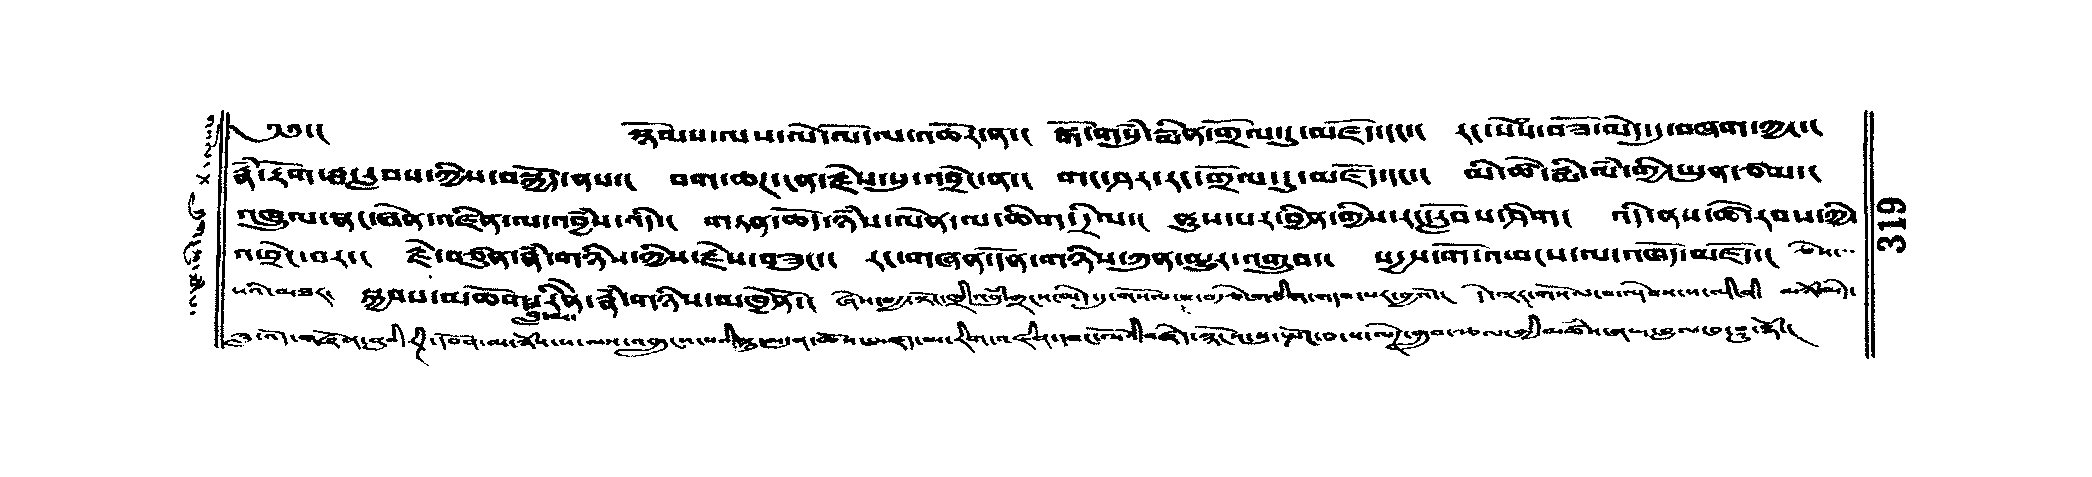།སྙོམས་ལས་ལེ་ལོ་ལ་འཆོར་ན། །སྒོ་གསུམ་སྨིན་གྲོལ་དུ་མཛོད་དང་། །རང་སེམས་བཟོ་མེད་དུ་བཞག་ཀྱང་། །
རྣམ་རྟོག་རྦ་རླབས་ཀྱིས་བསྐྱོད་ནས། །བག་ཆགས་ངན་རྗེས་སུ་འབྲེང་ན། །གང་ཤར་རང་གྲོལ་དུ་མཛོད་དང་། །མི་ཚེ་རྨི་ལམ་གྱི་ཡུན་ཙམ། །
འཁྲུལ་སྣང་ཞེན་འཛིན་ལ་འབྱམས་འདི། །གཏན་ཆོད་ཉམས་ལེན་ལ་ཅིག་དྲིལ། །ནུས་པར་བྱིན་གྱིས་རང་རློབས་ཤིག །འདི་ནས་ཚེ་རབས་ཀྱི་
འཕྲེང་བར། །རྗེ་བཙུན་རྣམ་གཉིས་ཀྱི་རྗེས་བཟུང་། །རང་གཞན་དོན་གཉིས་ཀུན་མྱུར་འགྲུབ། །སངས་རྒྱས་གོ་འཕང་ལ་འཁོད་མཛོད། ཅེས་
པའི་མཐར། སྐྱབས་མཆོག་བླ་མ་རིན་ཆེན་རྣམ་གཉིས་མཁྱེན་ནོ། ཞེས་བརྒྱ་སྟོང་ཁྲི་འབུམ་གྲངས་མེད་དུ་གསོལ་བ་རྩེ་གཅིག་གདབ་པར་བྱའོ། དེ་ལྟར་གསོལ་བ་འདེབས་པ་འདི་ནི། མཉམ་མེད་
ཟླ་འོད་གཞོན་ནུའི་རིགས་དབོན་མ་རྣམས་པ་ལས་འཁྲུངས་པའི་སྐུ་མདུན་ཆོས་མཛད་མ་རིག་འཛིན་དབང་མོའི་བཞེད་སྐོངས་སུ་སྤོང་བ་པ་ལེགས་གྲུབ་རྩལ་གྱི་མཚམས་ནས་ཕུལ་བ་ཤུ་བྷམ།